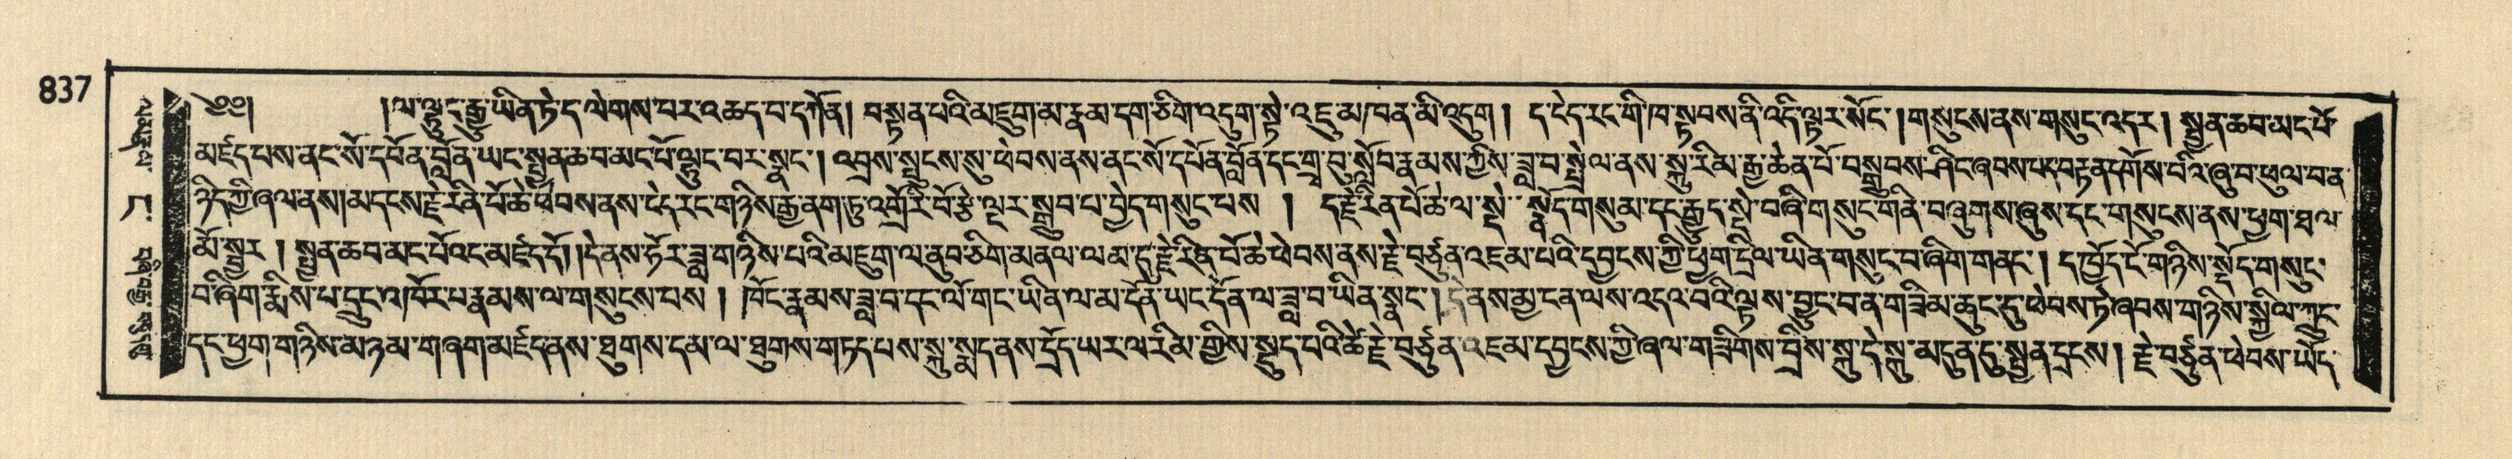༄༅། །ལ་ལྷུང་རྒྱུ་ཡིན་ཏེ་ད་ལེགས་པར་འཆད་པ་དཀོན། བསྟན་པའི་མཇུག་མ་རྣམ་དག་ཅིག་འདུག་སྟེ་འཇུ་མཁན་མི་འདུག །ད་ངེད་རང་གི་ཁ་སྟབས་ནི་འདི་ལྟར་སོང་། གསུངས་ནས་གསུང་འདར། སྤྱན་ཆབ་མང་པོ་
མཛད་པས་ནང་སོ་དཔོན་བློན་ཡང་སྤྱན་ཆབ་མང་པོ་ལྷུང་བར་སྣང་། འབྲས་སྤུངས་སུ་ཕེབས་ནས་ནང་སོ་དཔོན་བློན་དང་གྲྭ་བུ་སློབ་རྣམས་ཀྱིས་ཟླ་བ་སྤྲེལ་ནས་སྐུ་རིམ་རྒྱ་ཆེན་པོ་བསྒྲུབས་ཤིང་ཞབས་པད་བརྟན་དགོས་པའི་ཞུ་བ་ཕུལ་བ་ན་
ཉིད་ཀྱི་ཞལ་ནས། མདངས་རྗེ་རིན་པོ་ཆེ་ཕེབས་ནས་ངེད་རང་གཉིས་རྒྱ་ནག་ཏུ་འགྲོ་རི་བོ་རྩེ་ལྔར་སྒྲུབ་པ་བྱེད་གསུང་བས། དེ་རྗེ་རིན་པོ་ཆེ་ལ་སྡེ་སྣོད་གསུམ་དང་རྒྱུད་སྡེ་བཞི་གསུང་གིན་བཞུགས་ཞུས་དང་གསུངས་ནས་ཕྱག་ཐལ་
མོ་སྦྱར། སྤྱན་ཆབ་མང་པོའང་མཛད་དོ། །དེ་ནས་ཧོར་ཟླ་གཉིས་པའི་མཇུག་ལ་ནུབ་ཅིག་མནལ་ལམ་དུ་རྗེ་རིན་པོ་ཆེ་ཕེབས་ནས་རྗེ་བཙུན་འཇམ་པའི་དབྱངས་ཀྱི་ཕྱག་དྲིལ་ཡིན་གསུང་བ་ཞིག་གནང་། ད་ཁྱོད་ངོ་གཉིས་སྡོད་གསུང་
བ་ཞིག་རྨིས་པ་དྲུང་འཁོར་བ་རྣམས་ལ་གསུངས་བས། ཁོང་རྣམས་ཟླ་བ་དང་ལོ་གང་ཡིན་ལ་མ་དོན་ཡང་དོན་ལ་ཟླ་བ་ཡིན་སྣང་། དེ་ནས་མྱ་ངན་ལས་འདའ་བའི་ལྟས་བྱུང་བ་ན་གཟིམ་ཆུང་དུ་ཕེབས་ཏེ་ཞབས་གཉིས་སྐྱིལ་ཀྲུང་
དང་ཕྱག་གཉིས་མཉམ་གཞག་མཛད་ནས་ཐུགས་དམ་ལ་ཐུགས་གཏད་པས་སྐུ་སྨད་ནས་དྲོད་ཡར་ལ་རིམ་གྱིས་སྡུད་པའི་ཚེ་རྗེ་བཙུན་འཇམ་དབྱངས་ཀྱི་ཞལ་གཟིགས་བྲིས་སྐུ་དེ་སྐུ་མདུན་དུ་སྤྱན་དྲངས། རྗེ་བཙུན་ཕེབས་ཡོད་